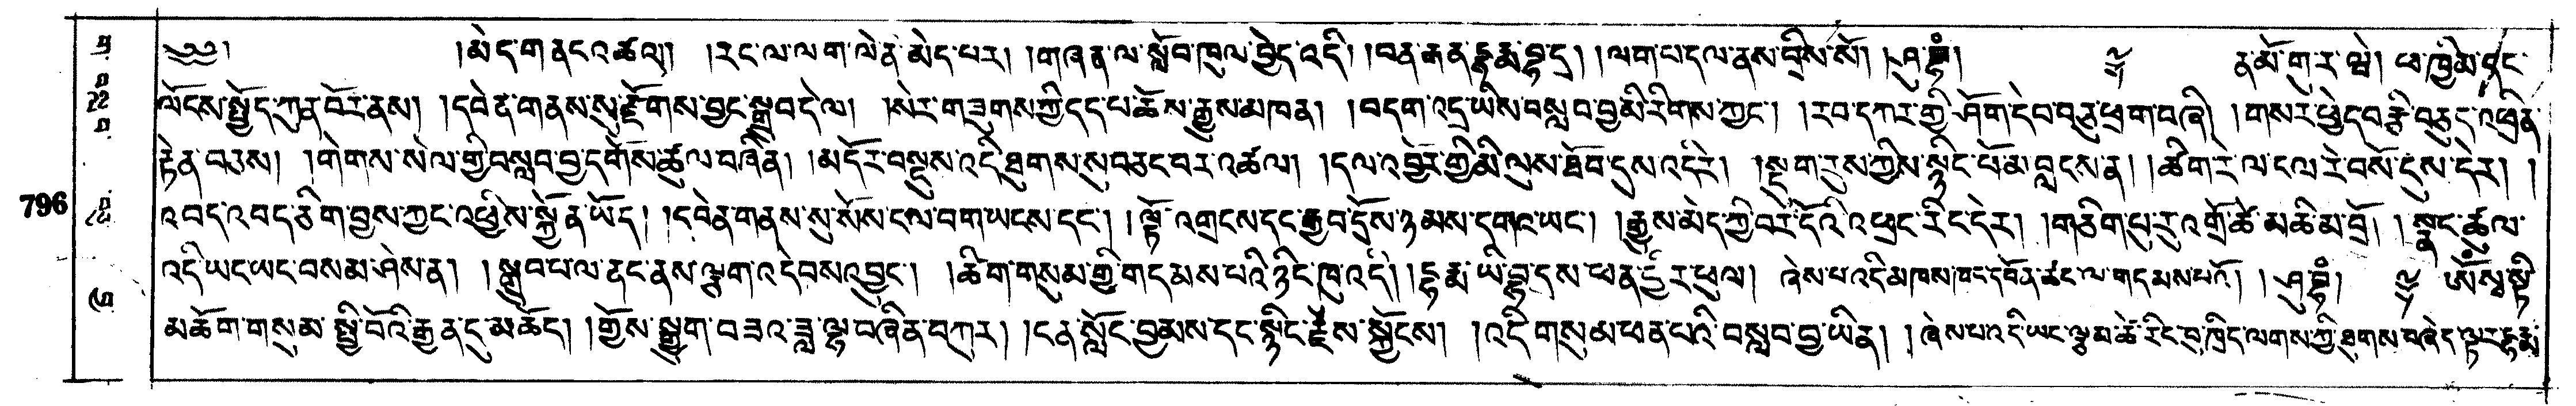༄༅། །མེད་གནང་འཚལ། །རང་ལ་ལག་ལེན་མེད་པར། །གཞན་ལ་སློབ་ཁུལ་བྱེད་འདི། །བན་རྒན་དྷརྨ་བྷ་དྲ། །ལག་པ་དལ་ནས་བྲིས་སོ། །ཤུ་བྷཾ། ༈ ན་མོ་གུ་ར་ཝེ། ཕ་ཁྱིམ་དང་
ལོངས་སྤྱོད་ཀུན་བོར་ནས། །དབེན་གནས་སུ་རྫོགས་བྱང་སྒྲུབ་དེ་ལ། །སེར་གཟུགས་ཀྱི་དད་པ་ཆོས་རྒྱུས་མཁན། །བདག་འདྲ་ཡིས་བསླབ་བྱ་མི་རིགས་ཀྱང་། །རབ་དཀར་གྱི་ཤོག་དེབ་བཅུ་ཕྲག་བཞི། །གསར་ཕྱེད་བརྩི་བཅུད་འཕྲིན་
རྟེན་བཅས། །གེགས་སེལ་གྱི་བསླབ་བྱ་དགོས་ཚུལ་བཞིན། །མདོར་བསྡུས་འདི་ཐུགས་སུ་བཅང་བར་འཚལ། །དལ་འབྱོར་གྱི་མི་ལུས་ཐོབ་དུས་འདིར། །སྡུག་རུས་ཀྱིས་སྙིང་པོ་མ་བླངས་ན། །ཚིག་རེ་ལ་ངལ་རེ་བསོ་དུས་དེར།།
འབད་འབད་ཅིག་བྱས་ཀྱང་འཕྱིས་སྐྱོན་ཡོད། །དབེན་གནས་སུ་སོས་ངལ་བག་ཡངས་དང་། །ལྟོ་འགྲངས་དང་རྒྱབ་དྲོས་ཉམས་དགའ་ཡང་། །རྒྱུས་མེད་ཀྱི་བར་དོའི་འཕྲང་རིང་དེར། །གཅིག་པུ་རུ་འགྲོ་ཚེ་མཆི་མ་བྲོ། །སྣང་ཚུལ་
འདི་ཡང་ཡང་བསམ་ཤེས་ན། །སྒྲུབ་པ་ལ་ནང་ནས་ལྕག་འདེབས་འབྱུང་། །ཚིག་གསུམ་གྱི་གདམས་པའི་ཉིང་ཁུ་འདི། །དྷརྨ་ཡི་བྷ་དྲས་ཕན་ཕྱིར་ཕུལ། ཞེས་པ་འདི་མཁས་ཁང་དབོན་ཚང་ལ་གདམས་པའོ། །ཤུ་བྷཾ།  ༈ ཨོཾ་སྭ་སྟི།
མཆོག་གསུམ་སྤྱི་བོའི་རྒྱན་དུ་མཆོད། །གྱོས་སྒྱུག་བཟའ་ཟླ་ལྷ་བཞིན་བཀུར། །ངན་སློང་བྱམས་དང་སྙིང་རྗེས་སྐྱོངས། །འདི་གསུམ་ཕན་པའི་བསླབ་བྱ་ཡིན། །ཞེས་པ་འདི་ཡང་ལྕམ་ཚེ་རིང་བུ་ཁྲིད་ལགས་ཀྱི་ཐུགས་བཞེད་ལྟར་དྷརྨ་